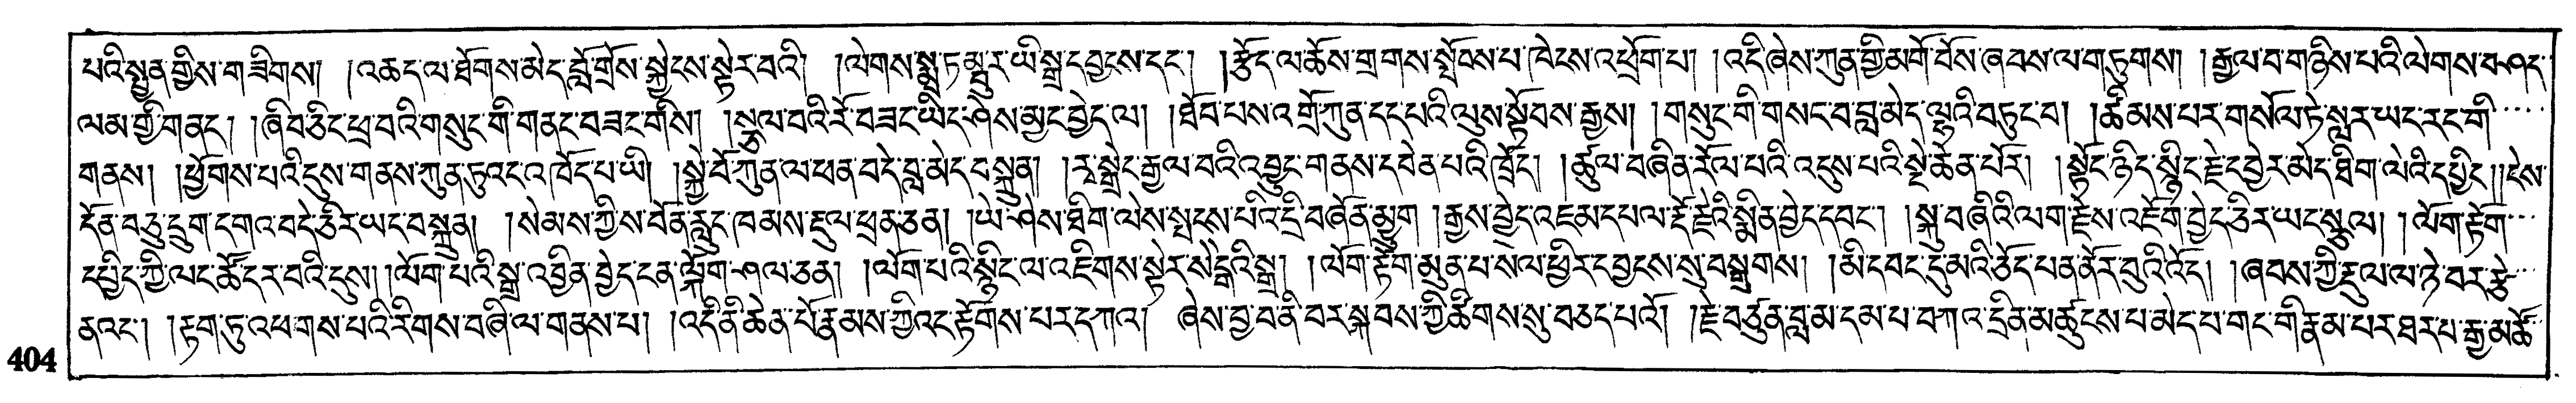པའི་སྤྱན་གྱིས་གཟིགས། །འཆད་ལ་ཐོགས་མེད་བློ་གྲོས་སྐྱེངས་སྟེར་བའི། །ལེགས་སྨྲ་ཏམྦུ་ར་ཡི་སྒྲ་དབྱངས་དང་། །རྩོད་ལ་ཆོས་གྲགས་སྤོབས་པ་ཁེངས་འཕྲོག་པ། །འདི་ཞེས་ཀུན་གྱི་མགོ་བོས་ཞབས་ལ་གཏུགས། །རྒྱལ་བ་གཉིས་པའི་ལེགས་བཤད་
ལམ་གྱི་གནད། །ཞིབ་ཅིང་ཕྲ་བའི་གསུང་གི་གནང་བཟང་གིས། །སྩལ་བའི་རོ་བཟང་ཡིད་ཤེས་མྱང་བྱེད་ལ། །ཐོབ་པས་འགྲོ་ཀུན་དང་པའི་ལུས་སྟོབས་རྒྱས། །གསུང་གི་གསང་བ་བླ་མེད་ལྷའི་བཏུང་བ། །ཚིམས་པར་གསོལ་ཏེ་སླར་ཡང་རང་གི་
གནས། །ཕྱོགས་པའི་དུས་གནས་ཀུན་ཏུའང་འཁོད་པ་ཡི། །སྐྱེ་བོ་ཀུན་ལ་ཕན་བདེ་བླ་མེད་བསྐྲུན། །རྭ་སྒྲེང་རྒྱལ་བའི་འབྱུང་གནས་དབེན་པའི་ཁྲོད། །ཚུལ་བཞིན་རོལ་པའི་འདུས་པའི་སྡེ་ཆེན་པོར། །སྟོང་ཉིད་སྙིང་རྗེ་དབྱེར་མེད་ཐིག་ལེའི་དཔྱིད། །ངེས་
དོན་བཅུ་དྲུག་དགའ་བདེ་ཅིར་ཡང་བསྐྲུན། །སེམས་ཀྱི་ས་བོན་རླུང་ཁམས་རྡུལ་ཕྲན་ཅན། །ཡེ་ཤེས་ཐིག་ལེས་སྦངས་པའི་དྲི་བཞོན་མྱུག །རྒྱས་བྱེད་འཇམ་དཔལ་རྡོ་རྗེའི་སྨིན་བྱེད་དབང་། །སྐུ་བཞིའི་ལག་རྗེས་འཇོག་བྱེད་ཅིར་ཡང་སྩལ། །ལོག་རྟོག་
དཔྱིད་ཀྱི་ལང་ཚོ་དར་བའི་དུས། །ལོག་པའི་སྒྲ་འབྱིན་བྱེད་ངན་ལྐོག་ཤལ་ཅན། །ལོག་པའི་སྙིང་ལ་འཇིགས་སྟེར་སེངྒེའི་སྒྲ། །ལོག་རྟོག་མུན་པ་སེལ་ཕྱིར་དབྱངས་སུ་བསྒྲགས། །མི་དབང་དུ་མའི་ཅོད་པན་ནོར་བུའི་འོད། །ཞབས་ཀྱི་རྡུལ་ལ་ཉེ་བར་རྩེ་
ནའང༑ ༑རྟག་ཏུ་འཕགས་པའི་རིགས་བཞི་ལ་གནས་པ། །འདི་ནི་ཆེན་པོ་རྣམས་ཀྱིའང་རྟོགས་པར་དཀའ། ཞེས་བྱ་བ་ནི་བར་སྐབས་ཀྱི་ཚིགས་སུ་བཅད་པའོ། །རྗེ་བཙུན་བླ་མ་དམ་པ་བཀའ་དྲིན་མཚུངས་པ་མེད་པ་གང་གི་རྣམ་པར་ཐར་པ་རྒྱ་མཚོ་